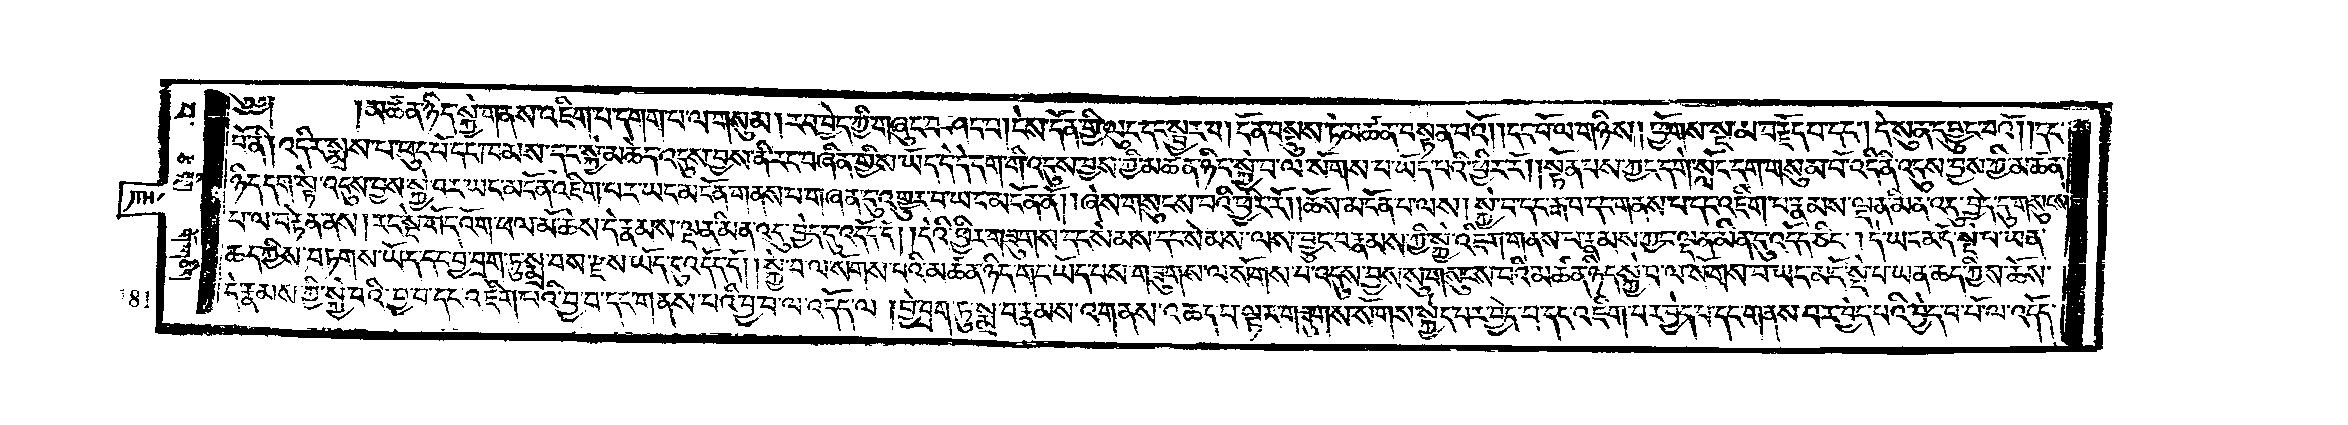༄༅། །མཚན་ཉིད་སྐྱེ་གནས་འཇིག་པ་དགག་པ་ལ་གསུམ། རབ་བྱེད་ཀྱི་གཞུང་བཤད་པ། ངེས་དོན་གྱི་ལུང་དང་སྦྱར་བ། དོན་བསྡུས་ཏེ་མཆན་བསྟན་པའོ། །དང་པོ་ལ་གཉིས། ཕྱོགས་སྔ་མ་བརྗོད་པ་དང་། དེ་སུན་དབྱུང་པའོ། །དང་
པོ་ན། འདིར་སྨྲས་པ་ཕུང་པོ་དང་། ཁམས་དང་སྐྱེ་མཆེད་འདུས་བྱས་ནི་རང་བཞིན་གྱིས་ཡོད་དེ་དེ་དག་གི་འདུས་བྱས་ཀྱི་མཚན་ཉིད་སྐྱེ་བ་ལ་སོགས་པ་ཡོད་པའི་ཕྱིར་རོ། །སྟོན་པས་ཀྱང་དགེ་སློང་དག་གསུམ་པོ་འདི་ནི་འདུས་བྱས་ཀྱི་མཚན་
ཉིད་དག་སྟེ་འདུས་བྱས་སྐྱེ་བར་ཡང་མངོན་འཇིག་པར་ཡང་མངོན་གནས་པ་གཞན་དུ་འགྱུར་པ་ཡང་མངོན་ནོ། །ཞེས་གསུངས་པའི་ཕྱོར་རོ། །ཆོས་མངོན་པ་ལས། སྐྱེ་བ་དང་རྒ་བ་དང་གནས་པ་དང་འཇིག་པ་རྣམས་ལྡན་མིན་འདུ་བྱེད་དུ་གསུངས་
པ་ལ་བརྟེན་ནས། རང་སྡེ་གོང་འོག་ཕལ་མོ་ཆེས་དེ་རྣམས་ལྡན་མིན་འདུ་བྱེད་དུ་འདོད་དོ། །དེའི་ཕྱིར་གཟུགས་དང་སེམས་དང་སེམས་ལས་བྱུང་པ་རྣམས་ཀྱི་སྐྱེ་འཇིག་གནས་པ་རྣམས་ཀྱང་ལྡན་མིན་དུ་འདོད་ཅིང་། དེ་ཡང་མོད་སྡེ་པ་ཡན་
ཆད་ཀྱིས་བཏགས་ཡོད་དང་བྱེ་བྲག་ཏུ་སྨྲ་བས་རྫས་ཡོད་དུ་འདོད་དོ། །སྐྱེ་བ་ལ་སོགས་པའི་མཚན་ཉིད་གང་ཡོད་པས་གཟུགས་ལ་སོགས་པ་འདུས་བྱས་སུ་གསུངས་པའི་མཚན་ཉིད་སྐྱེ་བ་ལ་སོགས་པ་ཡང་མདོ་སྡེ་པ་ཡང་ཆད་ཀྱིས་ཆོས་
དེ་རྣམས་ཀྱི་སྐྱེ་བའི་བྱ་བ་དང་འཇིག་པའི་བྱ་བ་དང་གནས་པའི་བྱ་བ་ལ་འདོད་ལ་།བྱེ་བྲག་ཏུ་སྨྲ་བ་རྣམས་འག་ནས་འཆད་པ་ལྟར་གཟུགས་སོགས་སྐྱེད་པར་བྱད་ད་དང་འཇིག་པར་བྱེད་པ་དང་གནས་པར་བྱེད་པ་པོ་ལ་འདོད་